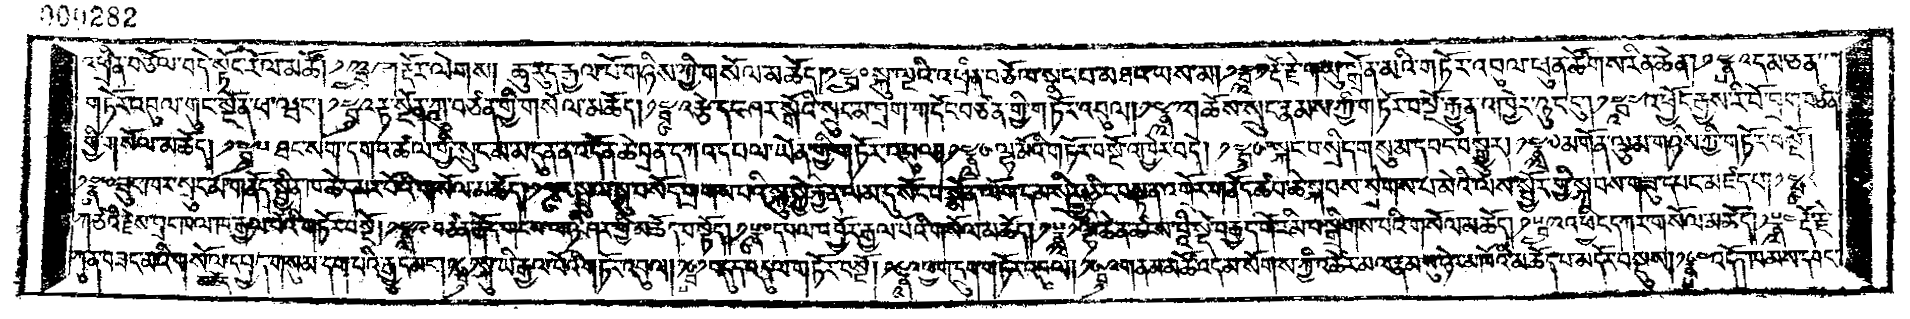འཕྲིན་བཅོལ་བདེ་སྟོང་རོལ་མཚོ། ༡༣༩བ༤། རྡོར་ལེགས། ཆུ་རུད་རྒྱལ་པོ་གཉིས་ཀྱི་གསོལ་མཆོད། ༡༤༠བ༤་སྐུ་ལྔའི་འཕྲིན་བཅོལ་སྣང་བ་མཐའ་ཡས་མ། ༡༤༡བ༣་རྡོ་རྗེ་གཡུ་སྒྲོན་མའི་གཏོར་འབུལ་ཕུན་ཚོགས་རིན་ཆེན། ༡༤༢ན༥་འདམ་ཅན་
གཏོར་འབུལ་གུང་སྔོན་ཕ་ཝང་། ༡༤༢བ༡་རྟ་སྔོན་ཀླུ་བཙན་གྱི་གསོལ་མཆོད། ༡༤༢བ༦་རྩེ་དང་ཤར་སྒོའི་སྲུང་མ་བྲག་གདོང་བཙན་གྱི་གཏོར་འབུལ། ༡༤༣ན༣། ཆོས་སྲུང་རྣམས་ཀྱི་གཏོར་བསྔོ་རྒྱུན་འཁྱེར་ཉུང་དུ། ༡༤༤བ༢་འཕྱོང་རྒྱས་རི་བོ་བྲག་བཙན་
གྱི་གསོལ་མཆོད། ༡༤༥བ༡་ཐང་སག་དགའ་ཚལ་གྱི་སྲུང་མ་མདུན་ན་འདོན་ཆེ་བྲན་དཀའ་དཔལ་ཡོན་གྱི་གཏོར་འབུལ། ༡༤༦ན༢་ལྷ་མོའི་གཏོར་བསྔོ་འཁྱེར་བདེ། ༡༤༦བ༡་སྐང་བ་སྲིད་གསུམ་དབང་བསྒྱུར། ༡༤༧ན༣་མགོན་ལྕམ་གཉིས་ཀྱི་གཏོར་བསྔོ།
༡༤༧ན༥་ཟུང་ཁར་སྲུང་མ་གནོད་སྦྱིན་ཁ་ཆེ་དམར་པོའི་གསོལ་མཆོད། ༡༤༨ན༦་སྤྲུལ་སྐུ་བསོད་གྲགས་པའི་སྐུ་སྐྱེ་རྐྱེན་ལམ་དུ་སོང་བ་སྨོན་ལོག་དམ་སྲིད་གྱུར་ཅིང་བསྟན་འགྲོར་གནོད་ཚབ་ཆེ་སྐབས་སྲེགས་པ་མེའི་ལས་སྦྱོར་གྱི་སྐབས་གཟུ་དཔང་མཛད་པ། ༡༤༨བ༦
ཀཙའི་རྗེས་བྲང་ཁལ་ཁ་རྒྱལ་པོའི་གཏོར་བསྔོ། ༡༤༩ན༢་བཙན་རྒོད་གངས་ལ་ཉི་ཤར་གྱི་མཆོད་བསྟོད། ༡༥༠ན༦་དཔལ་འབྱོར་རྒྱལ་པོའི་གསོལ་མཆོད། ༡༥༡ན༣་ལྷ་ཆེན་ཚངས་པཱི་སྡེ་བརྒྱད་གོ་རིམ་བསྒྲིགས་པའི་གསོལ་མཆོད། ༡༥༣བ༤་འཕྱིང་དཀར་གསོལ་མཆོད། ༡༥༤ན༢་རྡོ་རྗེ་
ཀུན་བཟང་མའི་གསོལ་མཆོད་དཔྱད་གསུམ་དག་པའི་རྒྱུད་མང་། ༡༦༡བ༡་སྐུ་ཡི་རྒྱལ་པོའི་གཏོར་འབུལ། ༡༦༡བ༥་བདུད་འདུལ་གཏོར་བསྔོ། ༡༦༢ན༢་ཕྱག་དྲུག་གཏོར་འབུལ། ༡༦༢བ༡་གནམ་མཚོ་འདམ་སོགས་ཀྱི་འཚེར་མལ་རྣམ་སུ་ཉེར་མཁོའི་མཆོད་པ་མདོར་བསྡུས། ༡༦༤ན༥་འདོད་ཁམས་དབང་